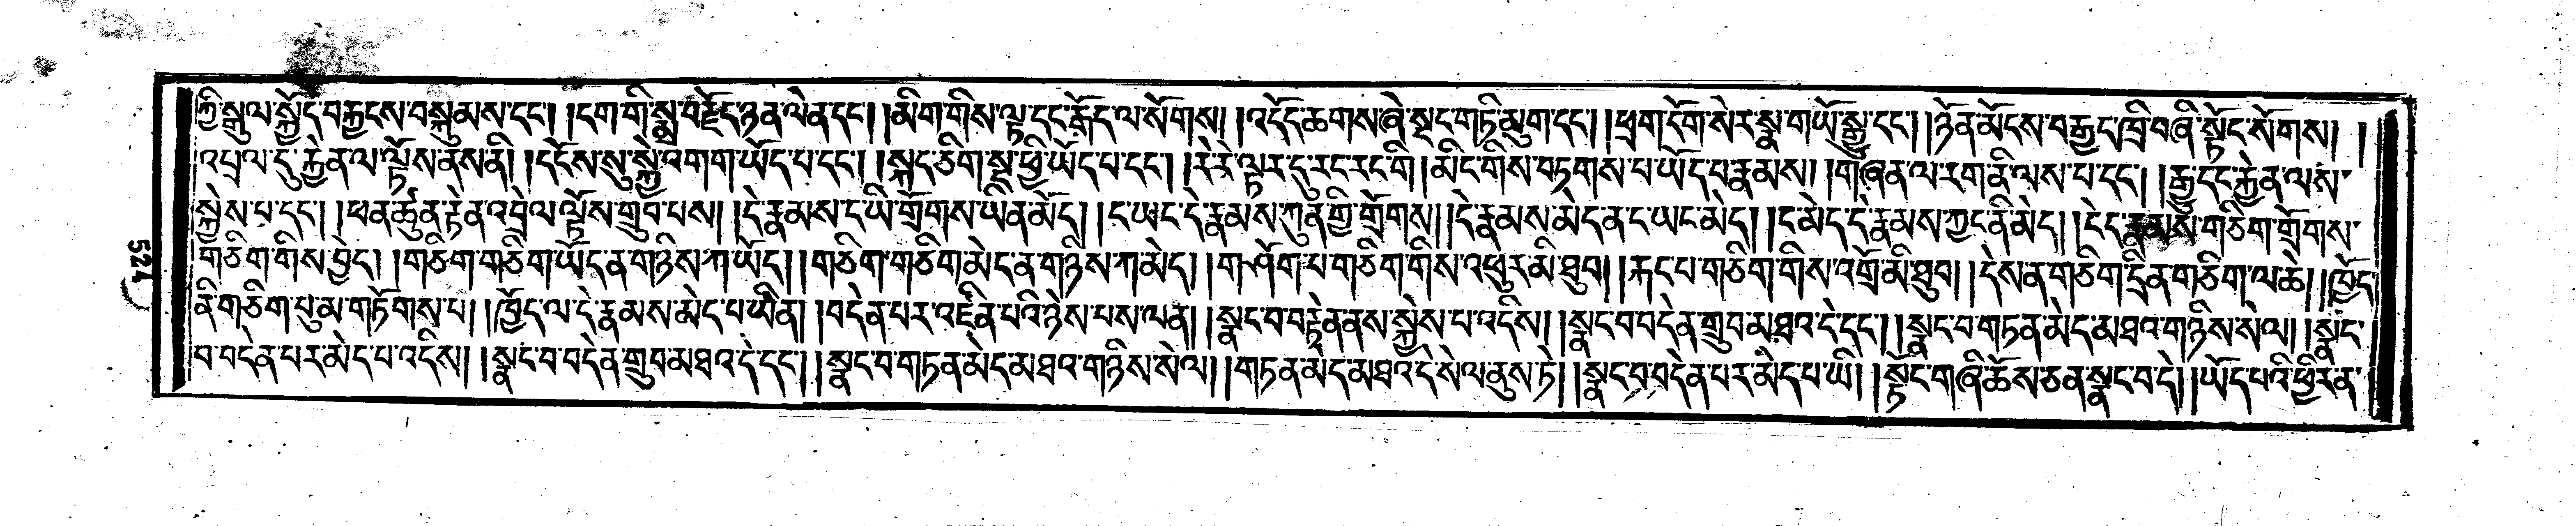ཀྱི་སྒུལ་སྐྱོད་བརྐྱང་བསྐུམས་དང་། །ངག་གི་སྨྲ་བརྗོད་ཉན་ལེན་དང་། །མིག་གིས་ལྟ་དང་རྒོད་ལ་སོགས། །འདོད་ཆགས་ཞེ་སྡང་གཏི་མུག་དང་། །ཕྲག་དོག་སེར་སྣ་གཡོ་སྒྱུ་དང་། །ཉོན་མོངས་བརྒྱད་ཁྲི་བཞི་སྟིང་སོགས། །
འཕྲལ་དུ་རྐྱེན་ལ་ལྟོས་ནས་ནི། །དངོས་སུ་སྐྱེ་འགག་ཡོད་པ་དང་། །སྐད་ཅིག་སྔ་ཕྱི་ཡོད་པ་དང་། །རེ་རེ་ལྟར་དུ་རང་རང་གི །མིང་གིས་བཏགས་པ་ཡོད་པ་རྣམས། །གཞན་ལ་རག་ནི་ལས་པ་དང་། །རྒྱུ་དང་རྐྱེན་ལས་
སྐྱེས་པ་དང་། ཕན་ཚུན་རྟེན་འབྲེལ་ལྟོས་གྲུབ་པས། །དེ་རྣམས་ང་ཡི་གྲོགས་ཡིན་མོད། །ང་ཡང་དེ་རྣམས་ཀུན་གྱི་གྲོགས། །དེ་རྣམས་མེད་ན་ང་ཡང་མེད། །ང་མེད་དེ་རྣམས་ཀྱང་ནི་མེད། །ངེད་རྣམས་གཅིག་གྲོགས་
གཅིག་གིས་བྱེད། །གཅིག་གཅིག་ཡོད་ན་གཉིས་ཀ་ཡོད། །གཅིག་གཅིག་མེད་ན་གཉིས་ཀ་མེད། །གཤོག་པ་གཅིག་གིས་འཕུར་མི་ཐུབ། །རྐང་པ་གཅིག་གིས་འགྲོ་མི་ཐུབ། །དེས་ན་གཅིག་དྲིན་གཅིག་ལ་ཆེ། །ཁྱོད་
ནི་གཅིག་བུ་མ་གཏོགས་པ། །ཁྱོད་ལ་དེ་རྣམས་མེད་པ་ཡིན། །བདེན་པར་འཛིན་པའི་ཉེས་པས་ལན། །སྣང་བ་བརྟེན་ནས་ཀྱེས་པ་འདིས། །སྣང་བ་བདེན་གྲུབ་མཐའ་དེ་དང་། །སྣང་བ་གཏན་མེད་མཐའ་གཉིས་སེལ། །སྣང་
བ་བདེན་པར་མེད་པ་འདིས། །སྣང་བ་བདེན་གྲུབ་མཐའ་དེ་དང་། །སྣང་བ་གཏན་མེད་མཐའ་གཉིས་སེལ། །གཏན་མེད་མཐའ་དེ་སེལ་ནུས་ཏེ། །སྣང་བ་བདེན་པར་མེད་པ་ཡི། །སྟོང་གཞི་ཆོས་ཅན་སྣང་བ་དེ། །ཡོད་པའི་ཕྱིར་ན་